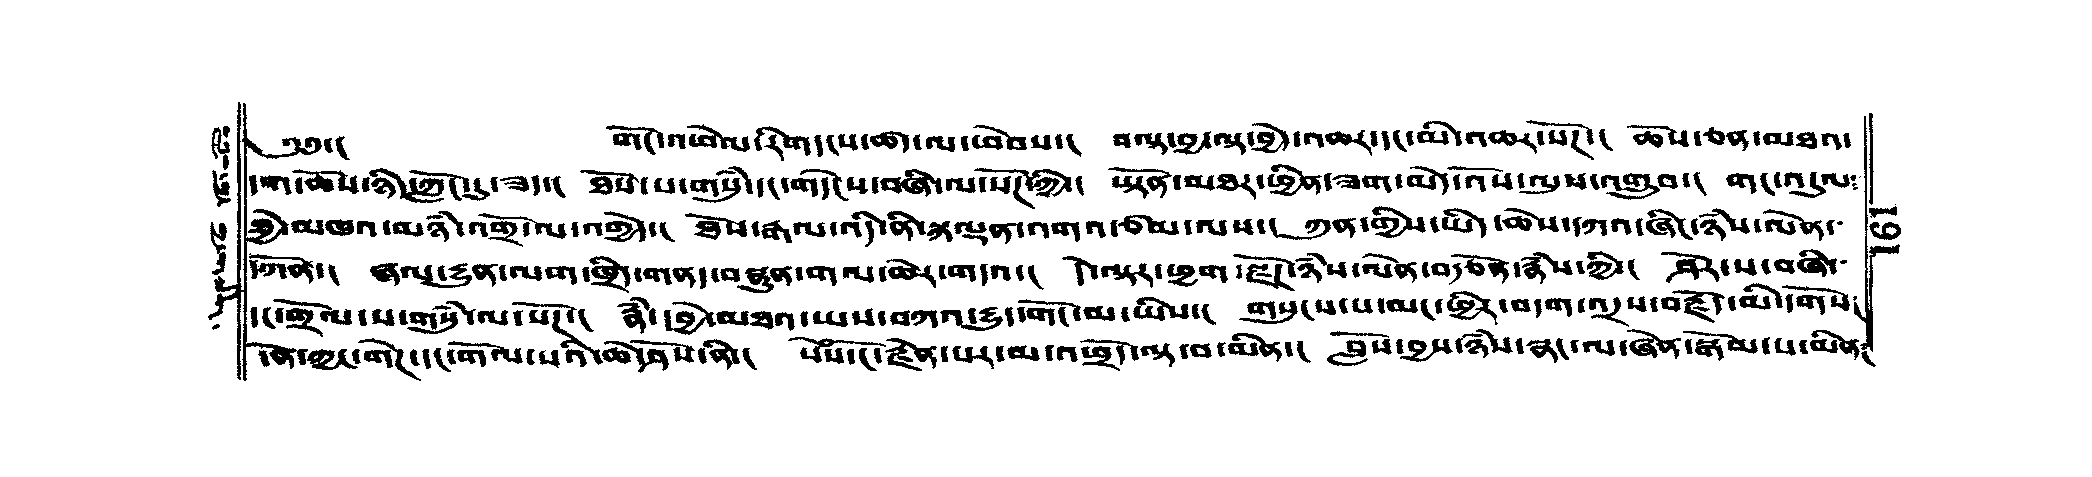གོང་འཕེལ་རིག་གདངས་ཚད་ལ་འཕེབས། །བལྟ་བྱ་ལྟ་བྱེད་འཆར་དང་མི་འཆར་སོགས། །ཆོས་ཅན་མཐའ་
དག་ཆོས་ཉིད་ཀློང་དུ་ཟད། །ཐོས་པ་གསུམ་དང་གདེངས་བཞི་ལ་སོགས་ཀྱི། །ཡོན་ཏན་མཐར་ཕྱིན་ཟག་མེད་འོས་ལུས་འགྲུབ། །གང་འདུལ་
ཐུགས་རྗེ་མཁའ་མཉམ་འགྲོ་ལ་འགྱེད། །ཐོད་རྒལ་འདི་ནི་སྐལ་ལྡན་འགའ་ཙམ་ལས། །ཀུན་གྱིས་ཡིད་ཆེས་དཀའ་ཞིང་ཉམས་ལེན་
དཀོན། །ཞལ་རྒྱུན་ལག་ཁྲིད་གནད་བསྣུན་གལ་ཆེར་གདའ། །དེ་ལྟར་ཕྱག་རྫོགས་ཉམས་ལེན་བརྩོན་རྣམས་ཀྱི། །ཤོར་ས་བཞི་
དང་གོལ་ས་གསུམ་ལ་སོགས། །རྣམ་དབྱེ་མཐའ་ཡས་བཀའ་རྒྱུད་གོང་མ་ཡིས། །གསུངས་པ་མང་ཕྱིར་བདག་འདྲས་བརྗོད་མི་དགོས། །
འོན་ཀྱང་གེགས་དང་གོལ་སའི་ཆེ་ཤོས་ནི། །སེམས་ངོ་རྗེན་པར་མ་འཕྲོད་ལྟ་བ་མིན། །བློས་བྱས་ཉམས་སྣང་ལ་ཞེན་སྒོམ་པ་མིན།